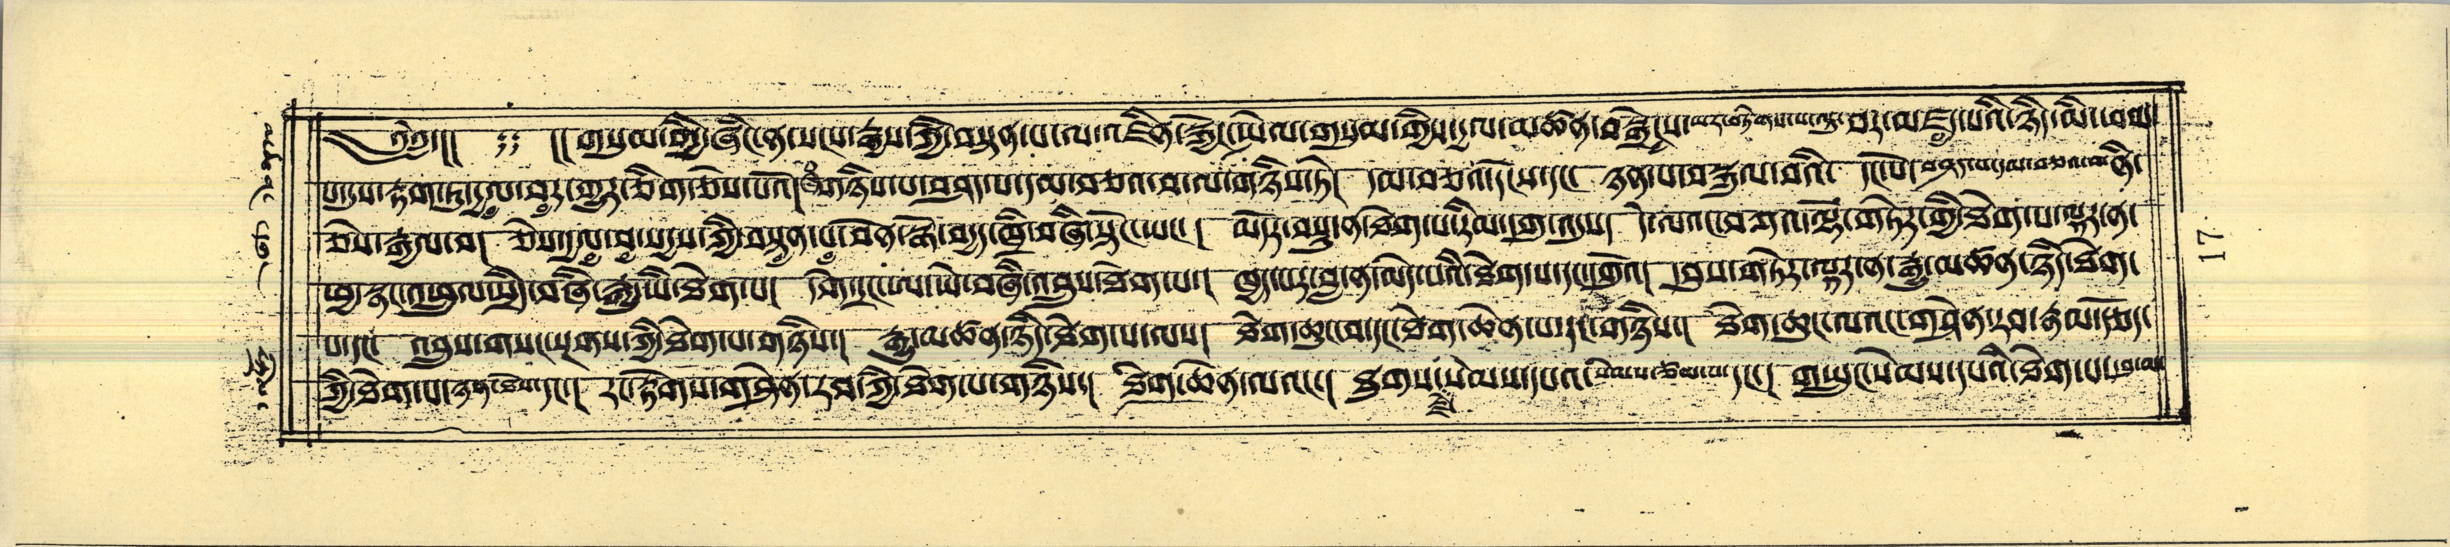གསུམ་གྱི་ཞིང་ན་སངས་རྒྱས་ཀྱི་བསྟན་པ་ལ་འཛིན་སྐྱོང་སྤེལ་གསུམ་གྱིས་རྒྱལ་མཚན་བསྒྲེངས་༼ཡར་བཏེགས་པ་ལྟ་བུ༽བར་མཛད་པའི་ཉིད་མི་ཕམ་
པ་དུས་རྟག་ཏུ་རྒྱལ་བར་གྱུར་ཅིག་ཅེས་པའོ། །གཉིས་པ་བཤད་པར་དམ་བཅའ་བ་ལ་གཉིས་ཏེ། དམ་བཅའ་དངོས་དང་། ཉན་པ་བསྐུལ་བའོ། དང་པོ་༼བཤད་པ་དམ་བཅའ་བ་ནི། 
ཅེས་རྒྱལ་བ་སངས་རྒྱས་ཀྱི་བསྟན་པ་བོན་སྒོ་བརྒྱད་ཁྲི་བཞི་སྟོང་ཡང་། མདོར་བསྡུ་ན་ཐེག་པ་རིམ་དགུ་རུ་འདུས། དེ་ལའང་བཀའ་ལྷོ་གཏེར་གྱི་ཐེག་པ་ལྟར་ན། 
ཕྱ་སྣང་འཕྲུལ་སྲིད་བཞི་རྒྱུ་ཡི་ཐེག་པ། དགེ་དྲང་ཨ་ཡེ་བཞི་འབྲས་བུའི་ཐེག་པ། ཁྱད་པར་བླ་ན་མེད་པའི་ཐེག་པ་དང་དགུའོ། །དབུས་གཏེར་ལྟར་ན་རྒྱུ་མཚན་ཉིད་ཀྱི་ཐེག་
པ་དང་། འབྲས་བུ་གསང་སྔགས་ཀྱི་ཐེག་པ་གཉིས། རྒྱུ་མཚན་ཉིད་ཀྱི་ཐེག་པ་ལས་ཐེག་ཆུང་བ་དང་ཐེག་ཆེན་པ་དང་གཉིས། ཐེག་ཆུང་ལའང་གཤེན་རབ་རྣམ་རྩོད་
ཀྱི་ཐེག་པ་༼ཉན་ཐོས༽དང་། རང་རྟོགས་གཤེན་རབ་ཀྱི་ཐེག་པ་གཉིས། ཐེག་ཆེན་ལའང་ཐུགས་རྗེ་སེམས་དཔའ་༼སེམས་ཙམ་པ་དང་༽གཡུང་དྲུང་སེམས་དཔའི་ཐེག་པ་༼དབུ་མ་